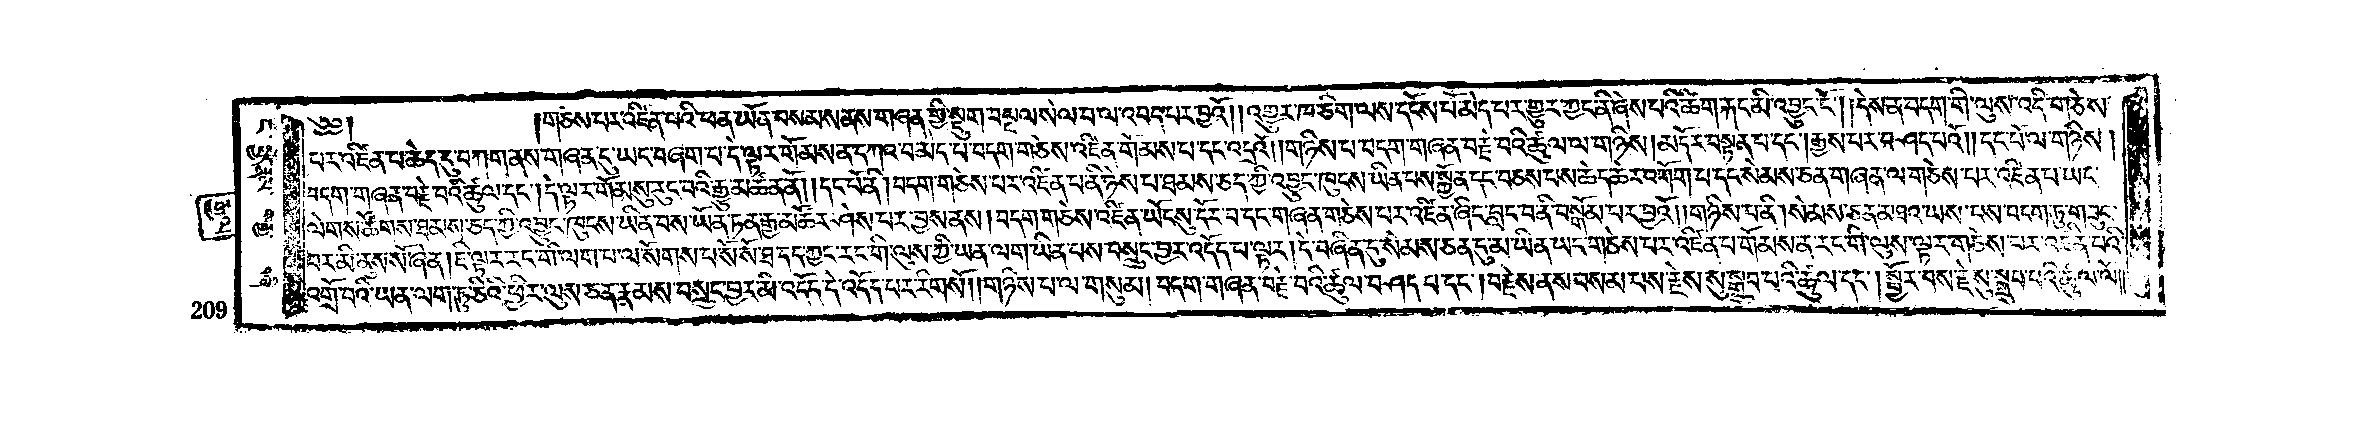༄༅། །གཅེས་པར་འཛིན་པའི་ཕན་ཡོན་བསམས་ནས་གཞན་གྱི་སྡུག་བསྔལ་སེལ་བ་ལ་འབད་པར་བྱའོ། །འགྱུར་ཁ་ཅིག་ལས་དངོས་པོ་མེད་པར་གྱུར་ཀྱང་ནི་ཞེས་པའི་ཚིག་རྐང་མི་འབྱུང་ངོ། །དེས་ན་བདག་གི་ལུས་འདི་གཅེས་
པར་འཛིན་པ་ཆེད་དུ་བཀག་ནས་གཞན་དུ་ཡང་བཞག་པ་དེ་ལྟར་གོམས་ན་དཀའ་བ་མེད་པ་བདག་གཅེས་འཛིན་གོམས་པ་དང་འདྲའོ། །གཉིས་པ་བདག་གཞན་བརྗེ་པའི་ཚུལ་ལ་གཉིས། མདོར་སྟན་པ་དང་། རྒྱས་པར་བཤད་པའོ། །དང་པོ་ལ་གཉིས།
བདག་གཞན་བརྗེ་པའི་ཚུལ་དང་། དེ་ལྟར་གོམས་སུ་རུང་བའི་རྒྱུ་མཚན་ནོ། །དང་པོ་ནི། བདག་གཅེས་པར་འཛིན་པ་ནི་ཉེས་པ་ཐམས་ཅད་ཀྱི་འབྱུང་ཁུངས་ཡིན་པས་སྐྱོན་དང་བཅས་པས་ཆེད་ཆེར་འགོག་པ་དང་སེམས་ཅན་གཞན་ལ་གཅེས་པར་འཛིན་པ་ཡང་
ལེགས་ཚོགས་ཐམས་ཅད་ཀྱི་འབྱུང་ཁུངས་ཡིན་པས་ཡོན་ཏན་རྒྱ་མཚོར་ཤེས་པར་བྱས་ནས། བདག་གཅེས་འཛིན་ཡོངས་སུ་དོར་བ་དང་གཞན་གཅེས་པར་འཛིན་ཞིང་བླང་བ་ནི་བསྒོམ་པར་བྱའོ། །གཉིས་པ་ནི། སེམས་ཅན་མཐའ་ཡས་པས་བདག་ཏུ་གཟུང་
བར་མི་ནུས་སོ་ཞེ་ན། ཇི་ལྟར་རང་གི་ལག་པ་ལ་སོགས་པ་སོ་སོ་ཐ་དད་ཀྱང་རང་གི་ལུས་ཀྱི་ཡན་ལག་ཡིན་པས་བསྲུང་བྱར་འདོད་པ་ལྟར། དེ་བཞིན་དུ་སེམས་ཅན་དུ་མ་ཡིན་ཡང་གཅེས་པར་འཛིན་པ་གོམས་ན་རང་གི་ལུས་ལྟར་གཅེ༤ས་པར་འཛིན་པའི་
འགྲོ་བའི་ཡན་ལག་ཏུ་ཅིའི་ཕྱིར་ལུས་ཅན་རྣམས་བསྲུང་བྱར་མི་འདོད་དེ་འདོད་པར་རིགས་སོ། །གཉིས་པ་ལ་གསུམ། བདག་གཞན་བརྗེ་པའི་ཚུལ་བཤད་པ་དང་། བརྗེས་ནས་བསམ་པས་རྗེས་སུ་སྒྲུབ་པའི་ཚུལ་དང་། སྦྱོར་བས་རྗེས་སུ་སྒྲུབ་པའི་ཚུལ་ལོ། །